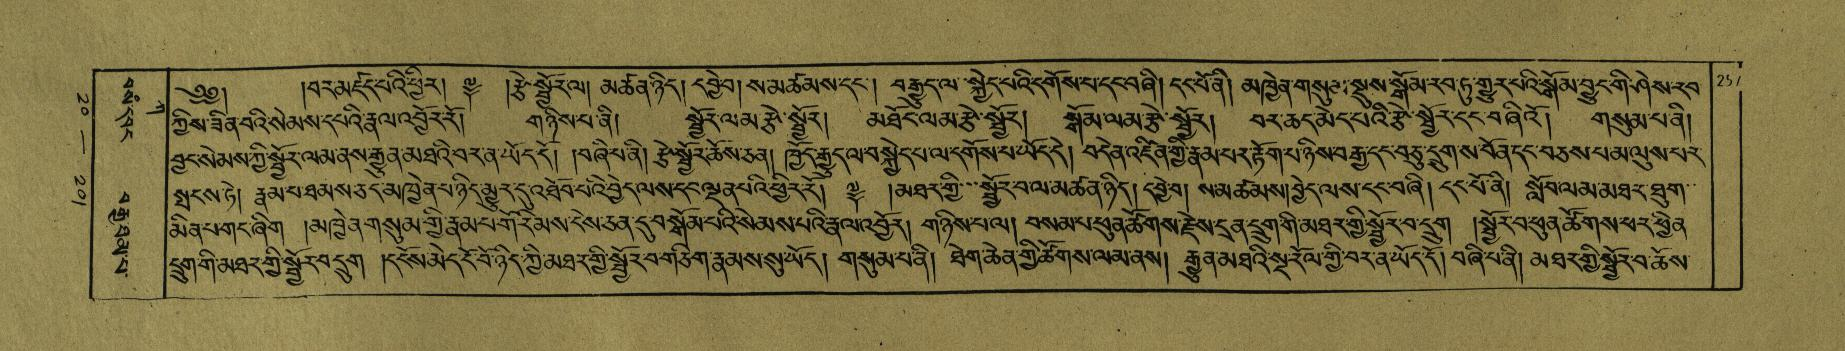༄༅། །བར་མཛད་པའི་ཕྱིར། ༈ །རྩེ་སྦྱོར་ལ། མཚན་ཉིད། དབྱེ་བ། ས་མཚམས་དང་། བརྒྱུད་ལ་སྐྱེད་པའི་དགོས་པ་དང་བཞི། དང་པོ་ནི། མཁྱེན་གསུམ་སྡུས་སྒོམ་རབ་ཏུ་གྱུར་པའི་སྒོམ་བྱུང་གི་ཤེས་རབ་
ཀྱིས་ཟིན་བའི་སེམས་དཔའི་རྣལ་འབྱོར་རོ། གཉིས་པ་ནི། སྦྱོར་ལམ་རྩེ་སྦྱོར། མཐོང་ལམ་རྩེ་སྦྱོར། སྒོམ་ལམ་རྩེ་སྦྱོར། བར་ཆད་མེད་པའི་རྩེ་སྦྱོར་དང་བཞིའོ། གསུམ་པ་ནི།
བྱང་སེམས་ཀྱི་སྦྱོར་ལམ་ནས་རྒྱུན་མཐའི་བར་ན་ཡོད་དོ། །བཞི་པ་ནི། རྩེ་སྦྱོར་ཆོས་ཅན། ཁྱོད་རྒྱུད་ལ་བསྐྱེད་པ་ལ་དགོས་པ་ཡོད་དེ། བདེན་འཛིན་གྱི་རྣམ་པར་རྟོག་པ་ཉིས་བརྒྱ་དང་བཅུ་དྲུག་ས་བོན་དང་བཅས་པ་མ་ལུས་པར་
སྤངས་ཏེ། རྣམ་པ་ཐམས་ཅད་མཁྱེན་པ་ཉིད་མྱུར་དུ་འཐོབ་པའི་བྱེད་ལས་དང་ལྡན་པའི་ཕྱིར་རོ། འ་།མཐར་གྱི་སྦྱོར་བ་ལ་མཚན་ཉིད། དབྱེ་བ། ས་མཚམས། བྱེད་ལས་དང་བཞི། དང་པོ་ནི། སློབ་ལམ་མཐར་ཐུག་
མིན་པ་གང་ཞིག །མཁྱེན་གསུམ་གྱི་རྣམ་པ་གོ་རིམས་ངེས་ཅན་དུ་བསྒོམ་པའི་སེམས་པའི་རྣལ་འབྱོར། གཉིས་པ་ལ། བསམ་པ་ཕུན་ཚོགས་རྗེས་དྲན་དྲུག་གི་མཐར་གྱི་སྦྱོར་བ་དྲུག །སྦྱོར་བ་ཕུན་ཚོགས་ཕར་ཕྱིན་
དྲུག་གི་མཐར་གྱི་སྦྱོར་བ་དྲུག །དངོས་མེད་ངོ་བོ་ཉིད་ཀྱི་མཐར་གྱི་སྦྱོར་བ་གཅིག་རྣམས་སུ་ཡོད། གསུམ་པ་ནི། ཐེག་ཆེན་གྱི་ཚོགས་ལམ་ནས། རྒྱུན་མཐའི་སྔ་རོལ་གྱི་བར་ན་ཡོད་དོ། བཞི་པ་ནི། མཐར་གྱི་སྦྱོར་བ་ཆོས་